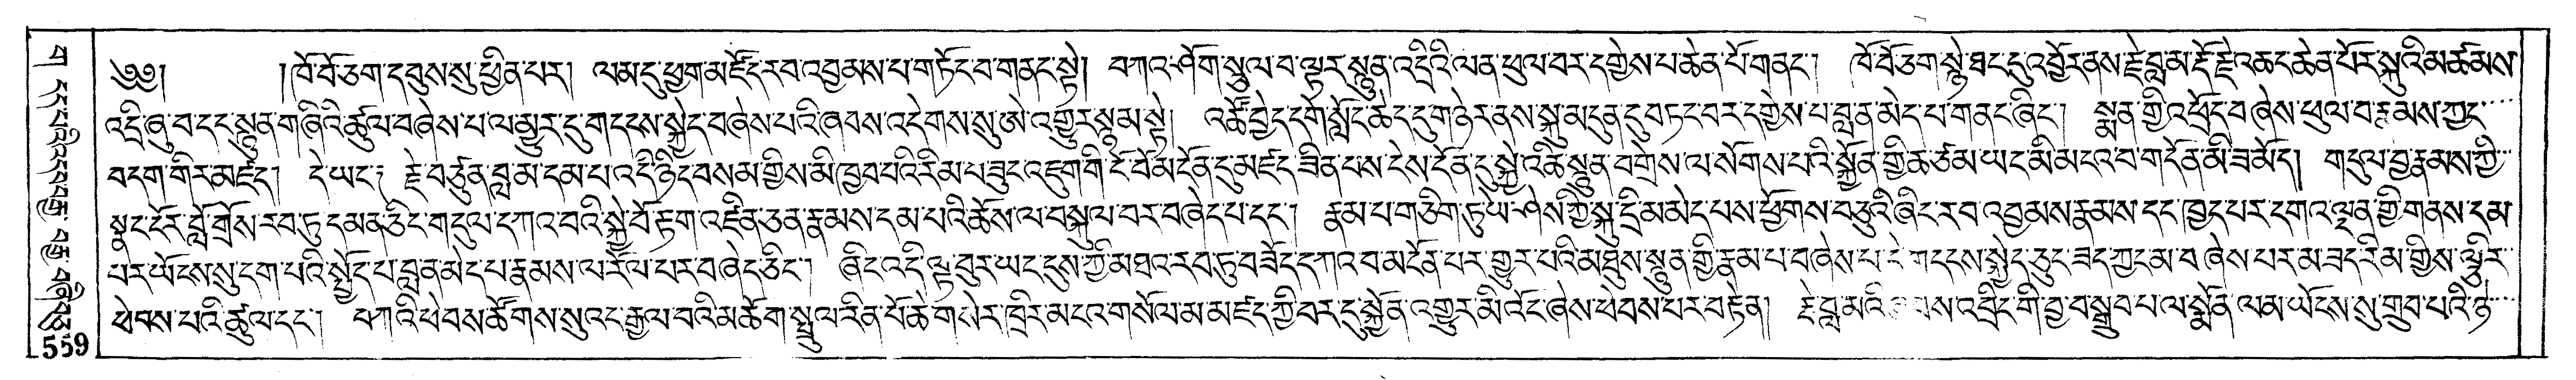༄༅། །ཁོ་བོ་ཅག་དབུས་སུ་ཕྱིན་པར། ལམ་དུ་ཕྱག་མཛོད་རབ་འབྱམས་པ་གཏོང་བ་གནང་སྟེ། བཀའ་ཤོག་སྩལ་བ་ལྟར་སྙུན་འདྲིའི་ལན་ཕུལ་བར་དགྱེས་པ་ཆེན་པོ་གནང་། ཁོ་བོ་ཅག་སྙེ་ཐང་དུ་འབྱོར་ནས་རྗེ་བླ་མ་རྡོ་རྗེ་འཆད་ཆེན་པོར་སྐུའི་མཚམས་
འདྲི་ཞུ་བ་དང་སྙུན་གཞིའི་ཚུལ་བཞེས་པ་ལ་མྱུར་དུ་གདངས་སྐྱེད་བཞེས་པའི་ཞབས་འདེགས་སུ་ཨེ་འགྱུར་སྙམ་སྟེ། འཚོ་བྱེད་དགེ་སློང་ཆེད་དུ་གཉེར་ནས་སྐུ་མདུན་དུ་བཏང་བར་དགྱེས་པ་བླ་ན་མེད་པ་གནང་ཞིང་། སྨན་གྱི་འཕྲོད་བ་ཞེས་ཕུལ་བ་རྣམས་ཀྱང་
བདག་གིར་མཛད། དེ་ཡང༑ རྗེ་བཙུན་བླ་མ་དམ་པ་འདི་ཉིད་བསམ་གྱིས་མི་ཁྱབ་པའི་རིམ་བཟུང་འཇུག་གི་ངོ་བོ་མངོན་དུ་མཛད་ཟིན་བས་ངེས་དོན་དུ་སྐྱེ་འཆི་སྙུན་བགྲེས་ལ་སོགས་པའི་སྐྱོན་གྱི་ཆ་ཙམ་ཡང་མི་མངའ་བ་གདོན་མི་ཟ་མོད། གདུལ་བྱ་རྣམས་ཀྱི་
སྣང་ངོར་བློ་གྲོས་རབ་ཏུ་དམན་ཅིང་གདུལ་དཀའ་བའི་སྐྱེ་བོ་རྟག་འཛིན་ཅན་རྣམས་དམ་པའི་ཆོས་ལ་བསྐུལ་བར་བཞེང་པ་དང་། རྣམ་པ་གཅིག་ཏུ་ཡེ་ཤེས་ཀྱི་སྐུ་དྲི་མ་མེད་པས་ཕྱོགས་བཅུའི་ཞིང་རབ་འབྱམས་རྣམས་དང་ཁྱད་པར་དགའ་ལྡན་གྱི་གནས་དམ་
པར་ཡོངས་སུ་དག་པའི་སྤྱོད་པ་བླ་ན་མེད་པ་རྣམས་ལ་རོལ་པར་བཞེད་ཅིང་། ཞིང་འདི་ལྟ་བུར་ཡང་དུས་ཀྱི་མཐའ་རབ་ཏུ་བཟོད་དཀའ་བ་མངོན་པར་གྱུར་པའི་མཐུས་སྙུན་གྱི་རྣམ་པ་བཞེས་པ་དེ་གདངས་སྐྱེད་ཅུང་ཟད་ཀྱང་མ་བཞེས་པར་མ་ཟད་རིམ་གྱིས་ལྕིར་
ཕེབས་པའི་ཚུལ་དང་། བཀའི་ཕེབས་ཚོགས་སུའང་རྒྱལ་བའི་མཆོག་སྤྲུལ་རིན་པོ་ཆེ་གསེར་ཁྲིར་མངའ་གསོལ་མ་མཛད་ཀྱི་བར་དུ་སྐྱོན་འགྱུར་མི་འོང་ཞེས་ཕེབས་པར་བརྟེན། རྗེ་བླ་མའི་ཞབས་འབྲིང་གི་བྱ་བ་སྒྲུབ་པ་ལ་སྨོན་ལམ་ཡོངས་སུ་གྲུབ་པའི་ཉེ་